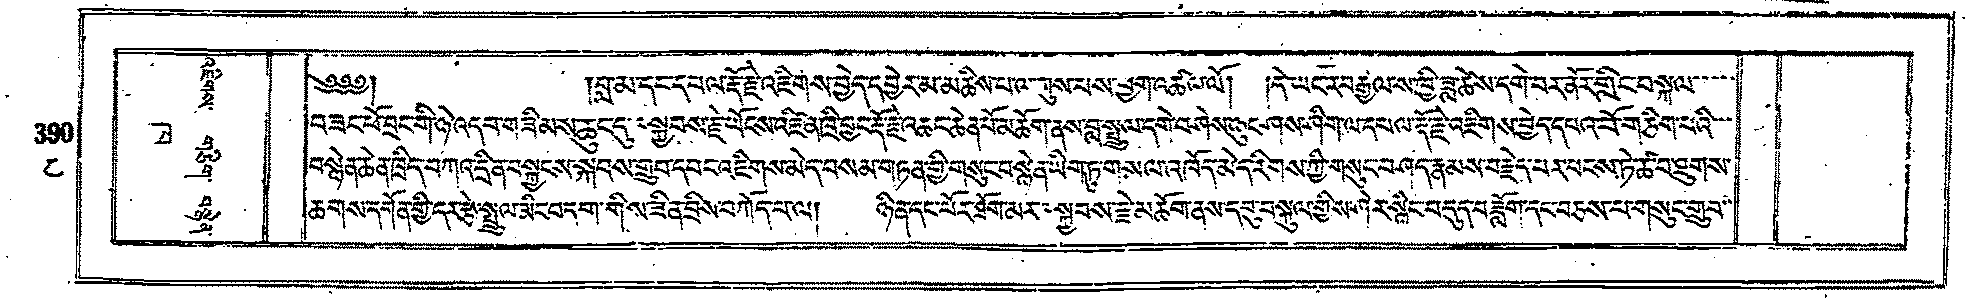༄༅༅། །བླ་མ་དང་དཔལ་རྡོ་རྗེ་འཇིགས་བྱེད་དབྱེར་མ་མཆིས་པ་ལ་གུས་པས་ཕྱག་འཚལ་ལོ། །དེ་ཡང་རབ་རྒྱལ་ས་ཁྱི་ཟླ་ཚེས་དགེ་བར་ནོར་གླིང་བསྐལ་་་
བཟང་ཕོ་བྲང་གི་ཉེ་འདབ་གཟིམས་ཆུང་དུ ༧སྐྱབས་རྗེ་ཡོངས་འཛིན་ཁྲི་བྱང་རྡོ་རྗེ་འཆང་ཆེན་པོ་མཆོག་ནས་བླ་སྤྲུལ་དགེ་བཤེས་ཉུང་ཤས་ཤིག་ལ་དཔལ་རྡོ་རྗེ་འཇིགས་བྱེད་དཔའ་བོ་གཅིག་པའི་་་
བསྙེན་ཆེན་ཁྲིད་བཀའ་དྲིན་བསྐྱངས་སྐབས་གྲུབ་དབང་འཇིགས་མེད་བསམ་གཏན་གྱི་གསུང་བསྙེན་ཡིག་ཏུ་གསལ་འཁོད་མེད་རིགས་ཀྱི་གསུང་བཤད་རྣམས་བརྗེད་པར་ཕངས་ཏེ་ཚ་བ་ཐུགས་
ཆགས་དགོན་གྱི་དར་རྩེ་སྤྲུལ་མིང་བདག་གིས་ཟིན་བྲིས་བཀོད་པ་ལ། ཉིན་དང་པོར་ཐོག་མར ༧སྐྱབས་རྗེ་མཆོག་ནས་དབུ་བསྐུལ་གྱིས་ཤེར་སྙིང་བདུད་བཟློག་དང་བཅས་པ་གསུང་གྲུབ་་་